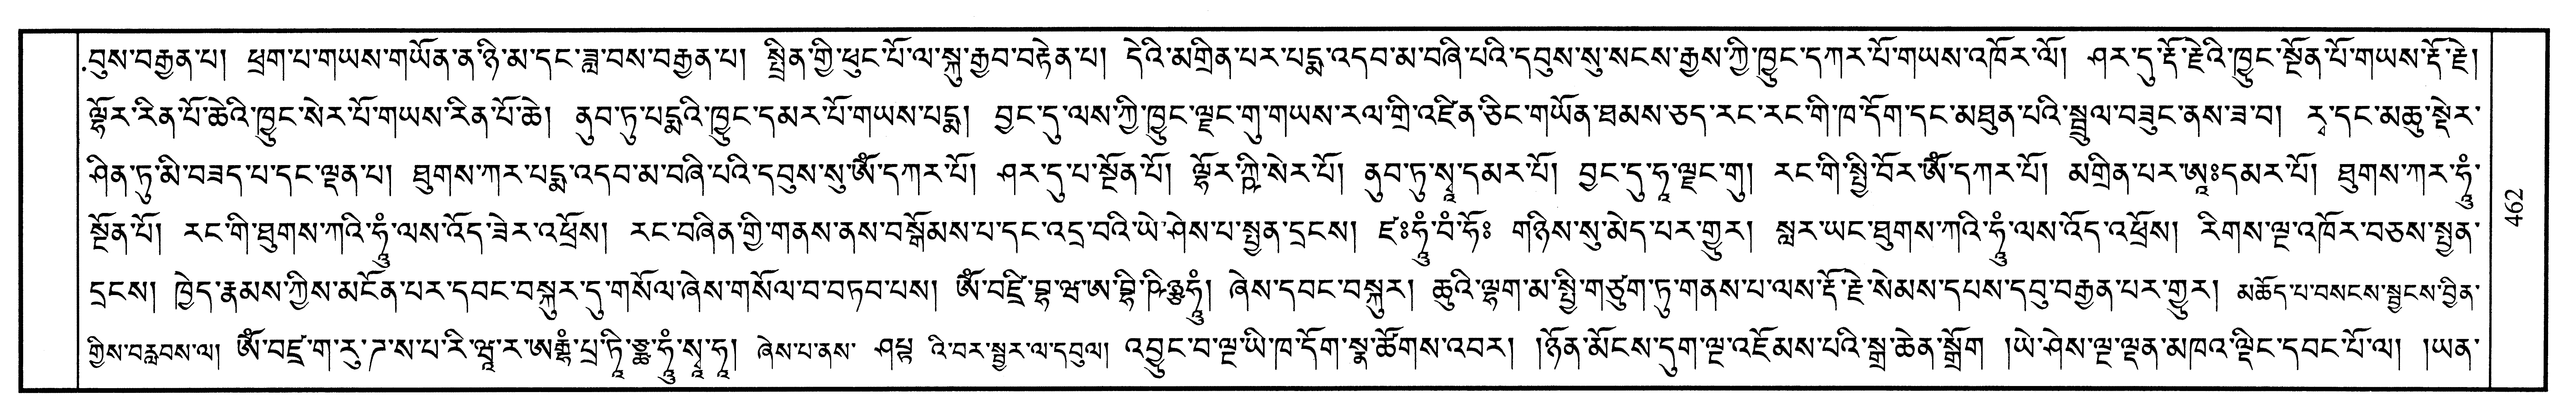བུས་བརྒྱན་པ། ཕྲག་པ་གཡས་གཡོན་ན་ཉི་མ་དང་ཟླ་བས་བརྒྱན་པ། སྤྲིན་གྱི་ཕུང་པོ་ལ་སྐུ་རྒྱབ་བརྟེན་པ། དེའི་མགྲིན་པར་པདམ་འདབ་མ་བཞི་པའི་དབུས་སུ་སངས་རྒྱས་ཀྱི་ཁྱུང་དཀར་པོ་གཡས་འཁོར་ལོ། ཤར་དུ་རྡོ་རྗེའི་ཁྱུང་སྔོན་པོ་གཡས་རྡོ་རྗེ།
ལྷོར་རིན་པོ་ཆེའི་ཁྱུང་སེར་པོ་གཡས་རིན་པོ་ཆེ། ནུབ་ཏུ་པདམའི་ཁྱུང་དམར་པོ་གཡས་པདམ། བྱང་དུ་ལས་ཀྱི་ཁྱུང་ལྗང་གུ་གཡས་རལ་གྲི་འཛིན་ཅིང་གཡོན་ཐམས་ཅད་རང་རང་གི་ཁ་དོག་དང་མཐུན་པའི་སྦྲུལ་བཟུང་ནས་ཟ་བ། རྭ་དང་མཆུ་སྡེར་
ཤིན་ཏུ་མི་བཟད་པ་དང་ལྡན་པ། ཐུགས་ཀར་པདམ་འདབ་མ་བཞི་པའི་དབུས་སུ་ཨོཾ་དཀར་པོ། ཤར་དུ་པ་སྔོན་པོ། ལྷོར་ཀྵི་སེར་པོ། ནུབ་ཏུ་སྭཱ་དམར་པོ། བྱང་དུ་ཧཱ་ལྗང་གུ། རང་གི་སྤྱི་བོར་ཨོཾ་དཀར་པོ། མགྲིན་པར་ཨཱཿ དམར་པོ། ཐུགས་ཀར་ཧཱུཾ་
སྔོན་པོ། རང་གི་ཐུགས་ཀའི་ཧཱུཾ་ལས་འོད་ཟེར་འཕྲོས། རང་བཞིན་གྱི་གནས་ནས་བསྒོམས་པ་དང་འདྲ་བའི་ཡེ་ཤེས་པ་སྤྱན་དྲངས། ཛཿ ཧཱུཾ་བཾ་ཧོཿ གཉིས་སུ་མེད་པར་གྱུར། སླར་ཡང་ཐུགས་ཀའི་ཧཱུཾ་ལས་འོད་འཕྲོས། རིགས་ལྔ་འཁོར་བཅས་སྤྱན་
དྲངས། ཁྱེད་རྣམས་ཀྱིས་མངོན་པར་དབང་བསྐུར་དུ་གསོལ་ཞེས་གསོལ་བ་བཏབ་པས། ཨོཾ་བཛྲི་བྷ་ཝ་ཨ་བྷི་ཥིཉྩ་ཧཱུཾ། ཞེས་དབང་བསྐུར། ཆུའི་ལྷག་མ་སྤྱི་གཙུག་ཏུ་གནས་པ་ལས་རྡོ་རྗེ་སེམས་དཔས་དབུ་བརྒྱན་པར་གྱུར། མཆོད་པ་བསངས་སྦྱངས་བྱིན་
གྱིས་བརླབས་ལ། ཨོཾ་བཛྲ་ག་རུ་ཌ་ས་པ་རི་ཝཱ་ར་ཨརྒྷཾ་པྲ་ཏཱི་ཙྪ་ཧཱུཾ་སྭཱ་ཧཱ། ཞེས་པ་ནས་ཤཔྟའི་བར་སྦྱར་ལ་དབུལ། འབྱུང་བ་ལྔ་ཡི་ཁ་དོག་སྣ་ཚོགས་འབར། །ཉོན་མོངས་དུག་ལྔ་འཇོམས་པའི་སྒྲ་ཆེན་སྒྲོག །ཡེ་ཤེས་ལྔ་ལྡན་མཁའ་ལྡིང་དབང་པོ་ལ། །ཡན་